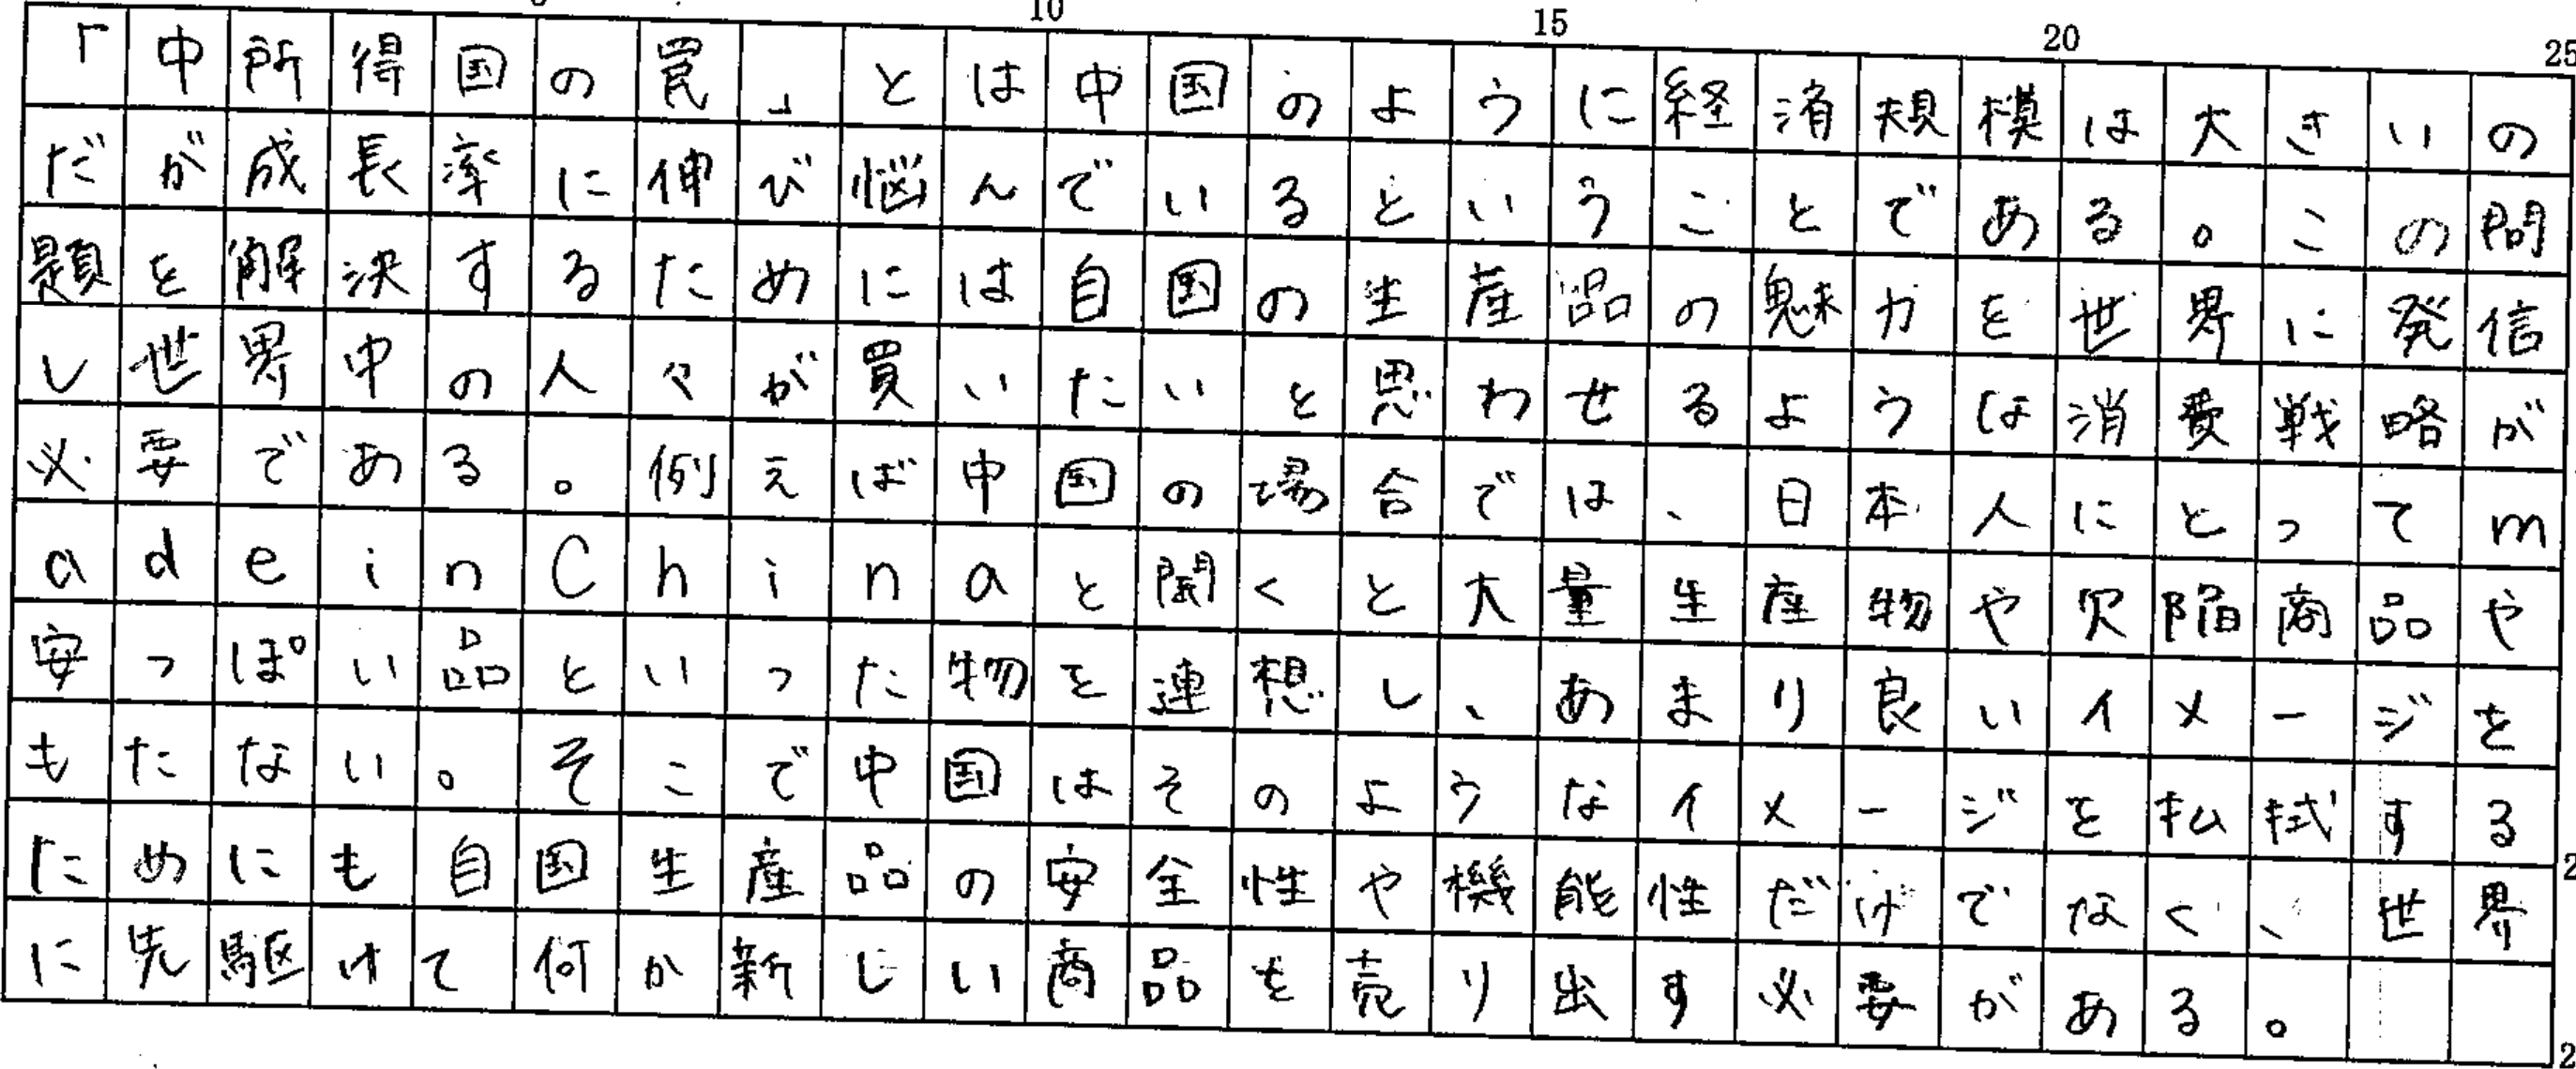「中所得国の罠」とは中国のように経済規模は大きいのだが成長率に伸び悩んでいるということである。この問題を解決するためには自国の生産品の魅力を世界に発信し世界中の人々が買いたいと思わせるような消費戦略が必要である。例えば中国の場合では、日本人にとってｍａｄｅｉｎＣｈｉｎａと聞くと大量生産物や欠陥商品や安っぽい品といった物を連想し、あまり良いイメージをもたない。そこで中国はそのようなイメージを払拭するためにも自国生産品の安全性や機能性だけでなく、世界に先駆けて何か新しい商品を売り出す必要がある。
